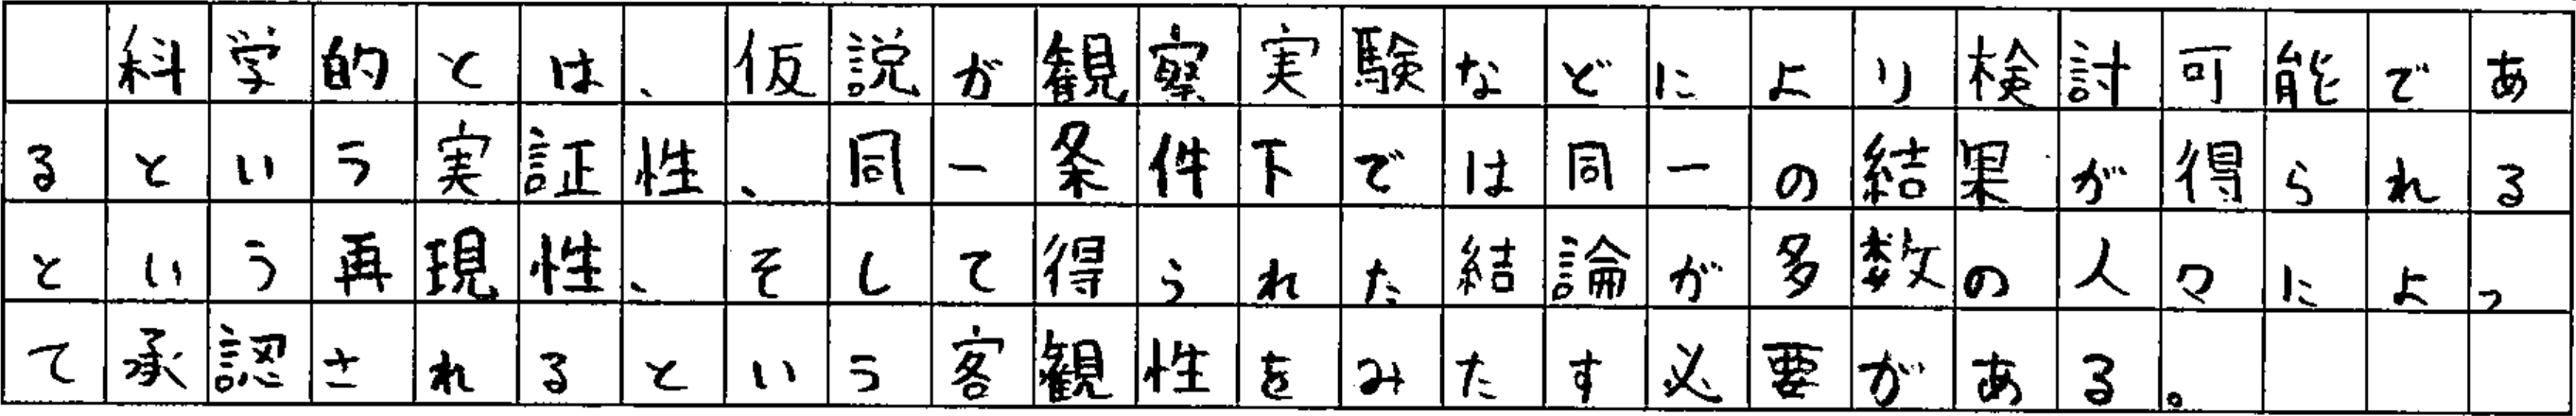　科学的とは、仮説が観察実験などにより検討可能であるという実証性、同一条件下では同一の結果が得られるという再現性、そして得られた結論が多数の人々によって承認されるという客観性をみたす必要がある。
